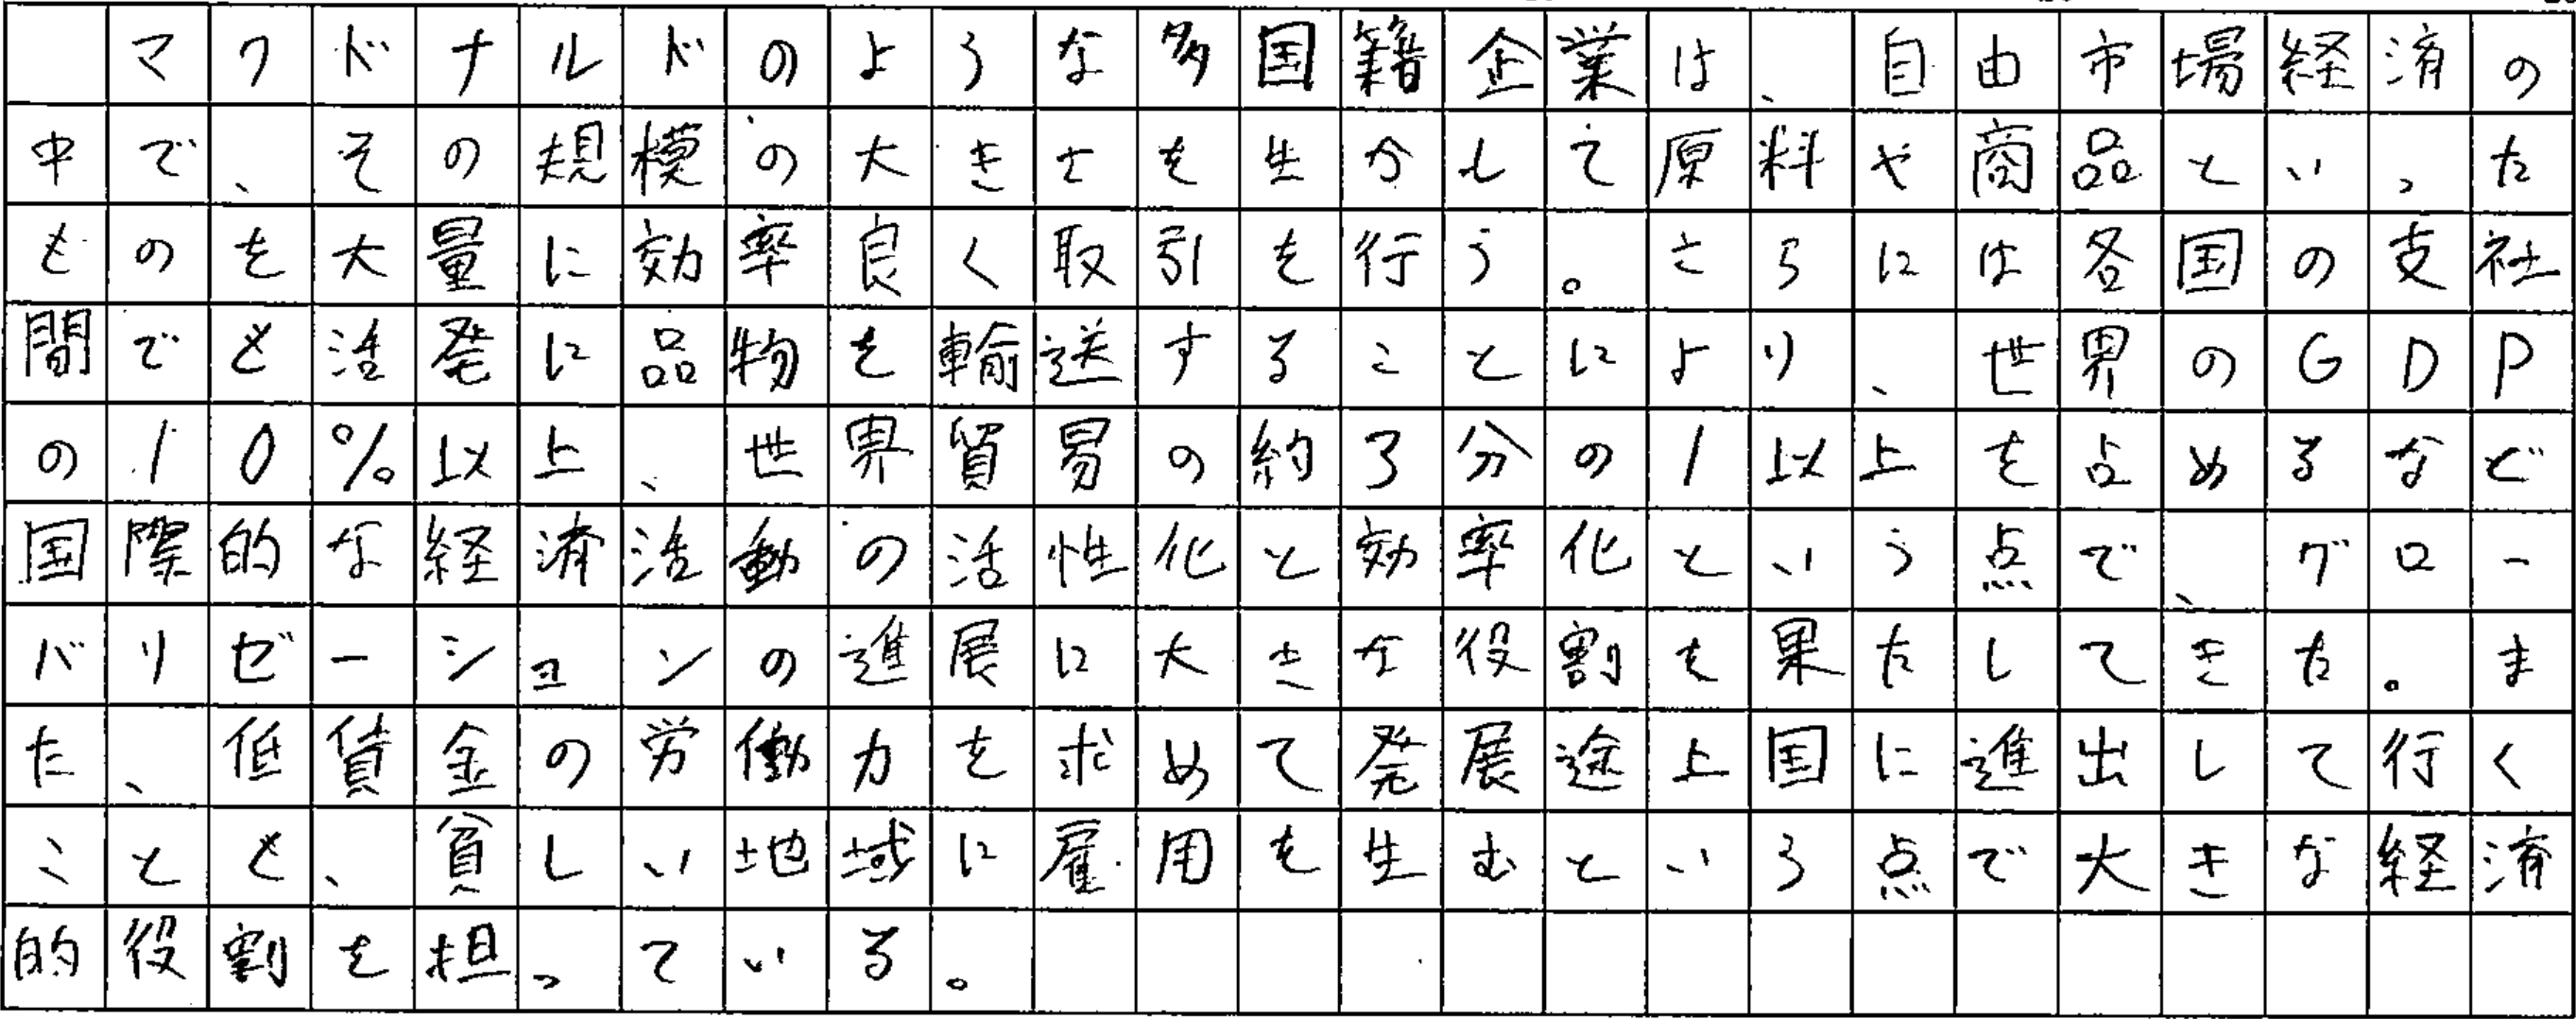　マクドナルドのような多国籍企業は、自由市場経済の中で、その規模の大きさを生かして原料や商品といったものを大量に効率良く取引を行う。さらには各国の支社間でも活発に品物を輸送することにより、世界のGDPの１０％以上、世界貿易の約３分の１以上を占めるなど国際的な経済活動の活性化と効率化という点で、グローバリゼーションの進展に大きな役割を果たしてきた。また、低賃金の労働力を求めて発展途上国に進出して行くことも、貧しい地域に雇用を生むという点で大きな経済的役割を担っている。
